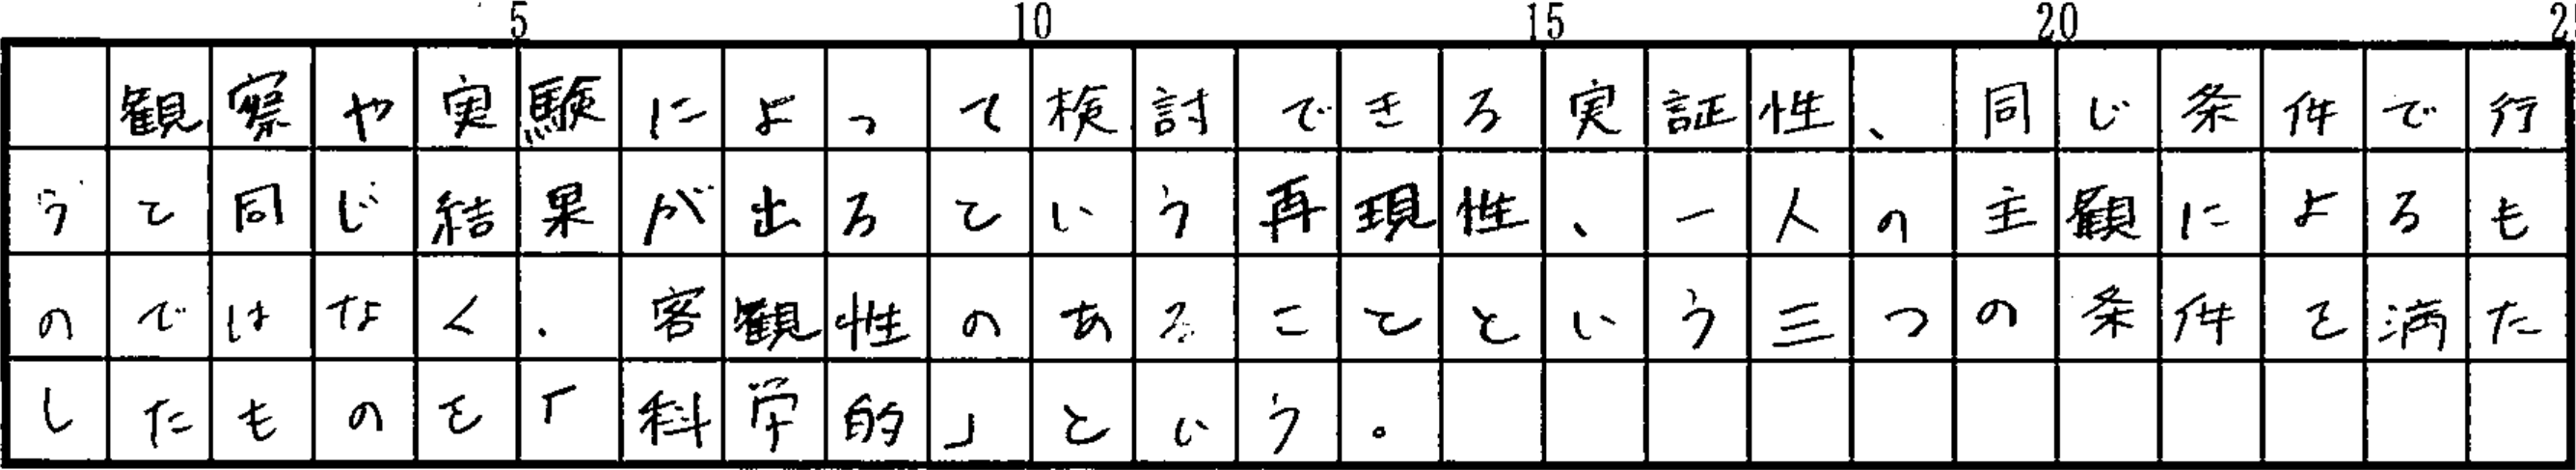　観察や実験によって検討できる実証性、同じ条件で行うと同じ結果が出るという再現性、一人の主観によるものではなく、客観性のあることという三つの条件を満たしたものを「科学的」という。
